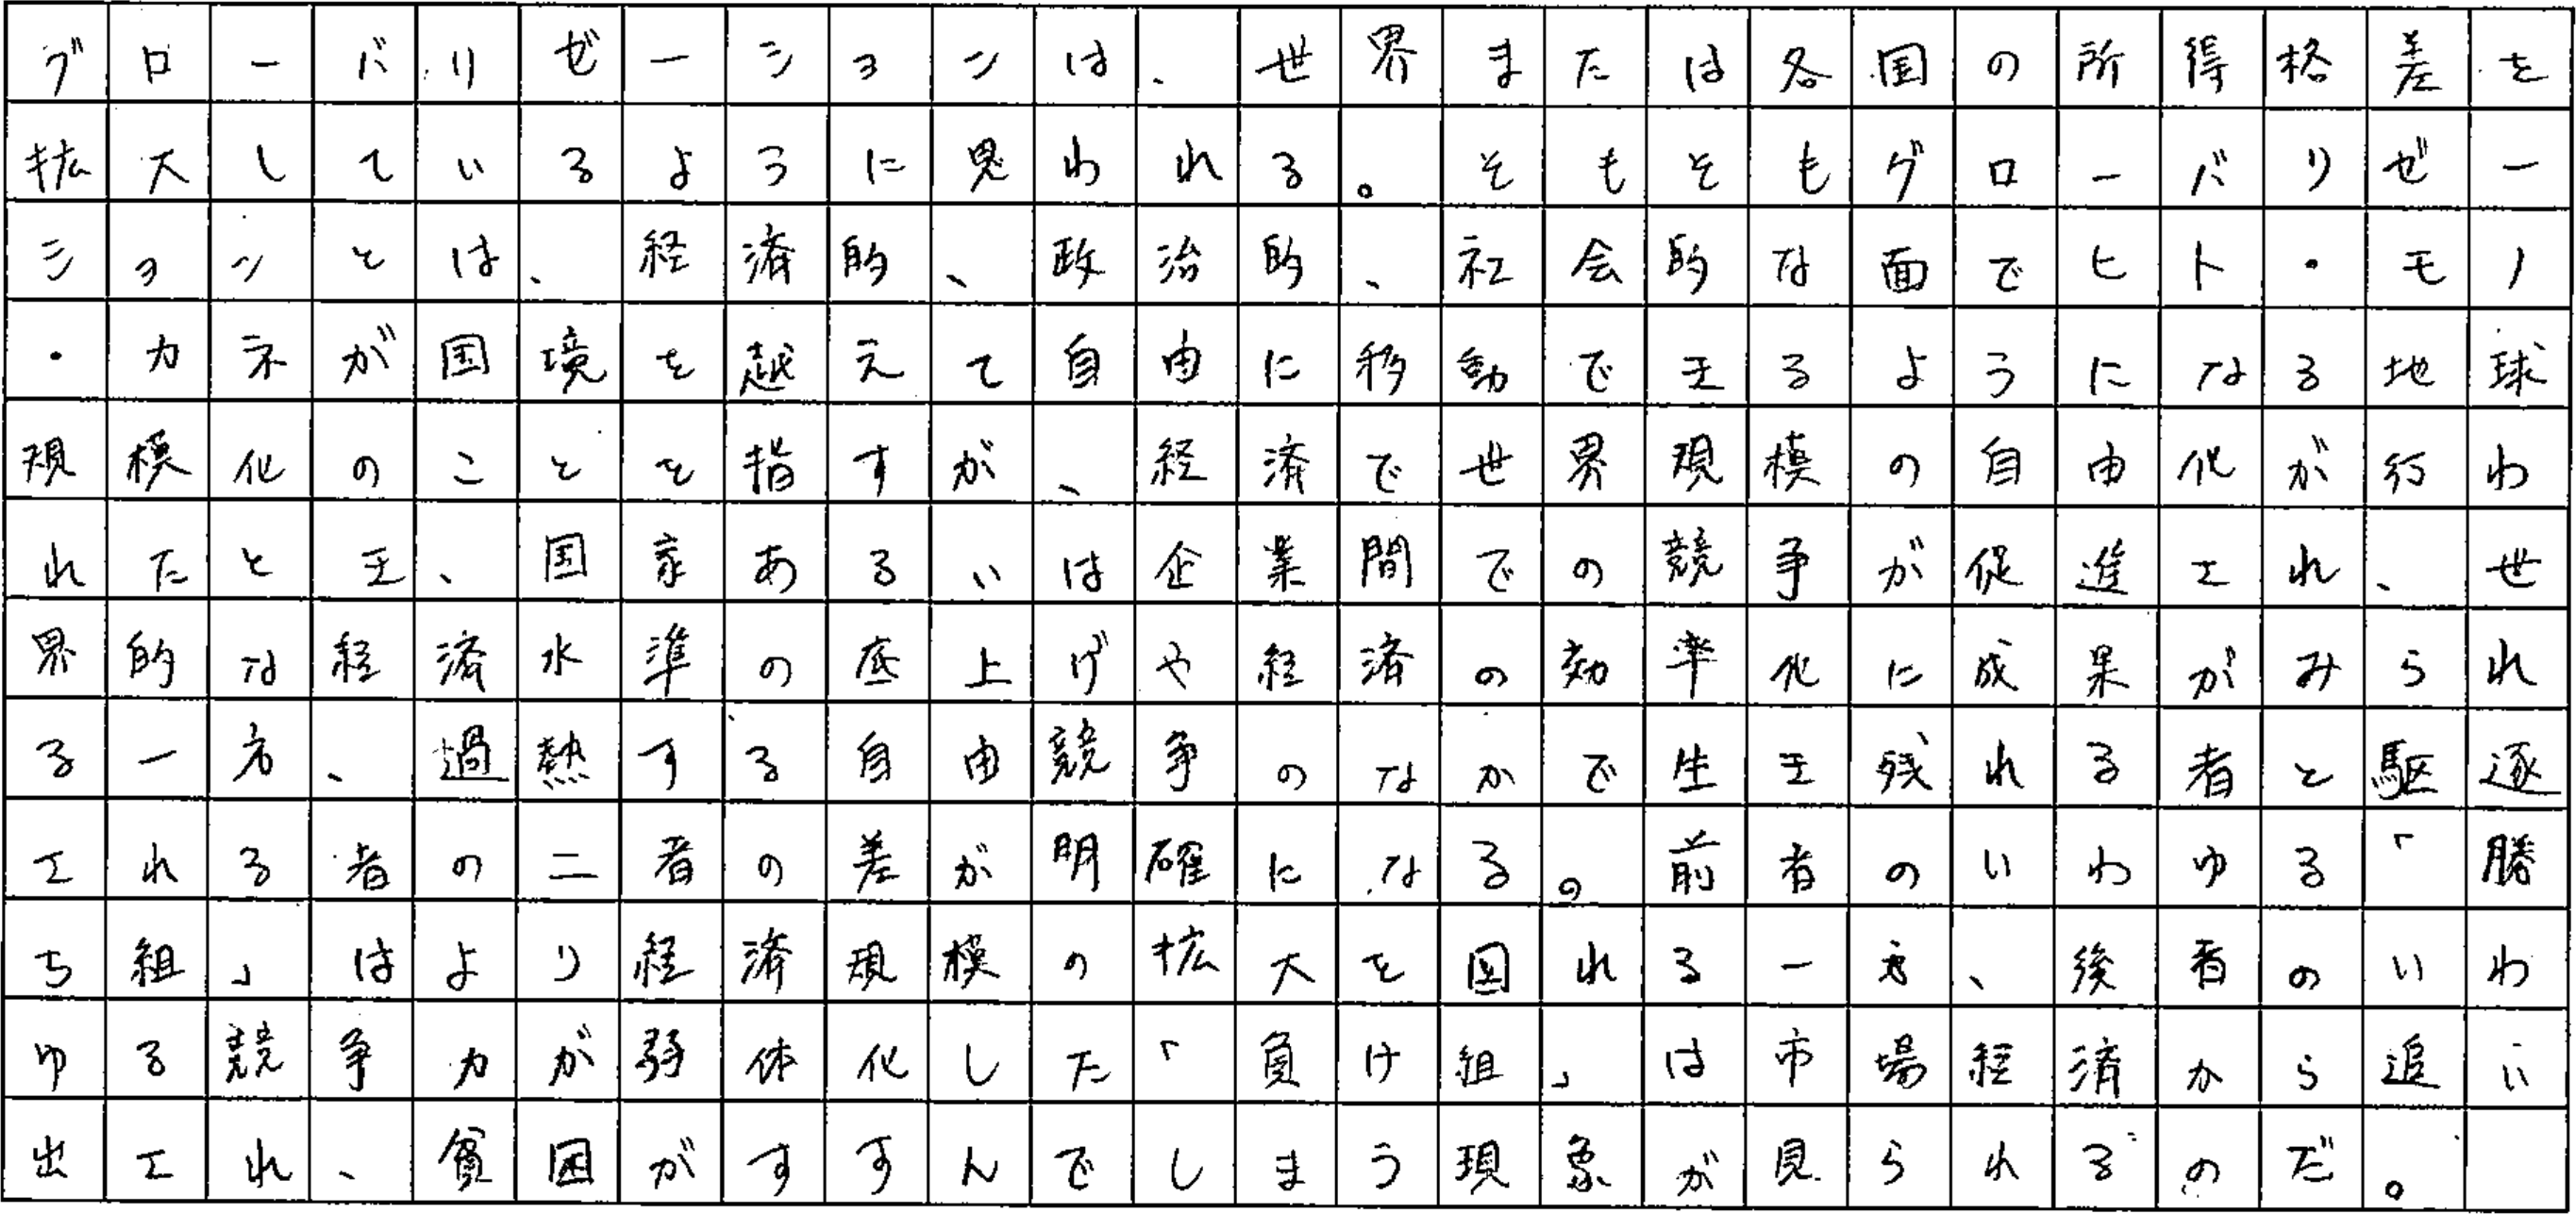グローバリゼーションは、世界または各国の所得格差を拡大しているように思われる。そもそもグローバリゼーションとは、経済的、政治的、社会的な面でヒト・モノ・カネが国境を越えて自由に移動できるようになる地球規模化のことを指すが、経済で世界規模の自由化が行われたとき、国家あるいは企業間での競争が促進され、世界的な経済水準の底上げや経済の効率化に成果がみられる一方、過熱する自由競争のなかで生き残れる者と駆逐される者の二者の差が明確になる。前者のいわゆる「勝ち組」はより経済規模の拡大を図れる一方、後者のいわゆる競争力が弱体化した「負け組」は市場経済から追い出され、貧困がすすんでしまう現象が見られるのだ。
